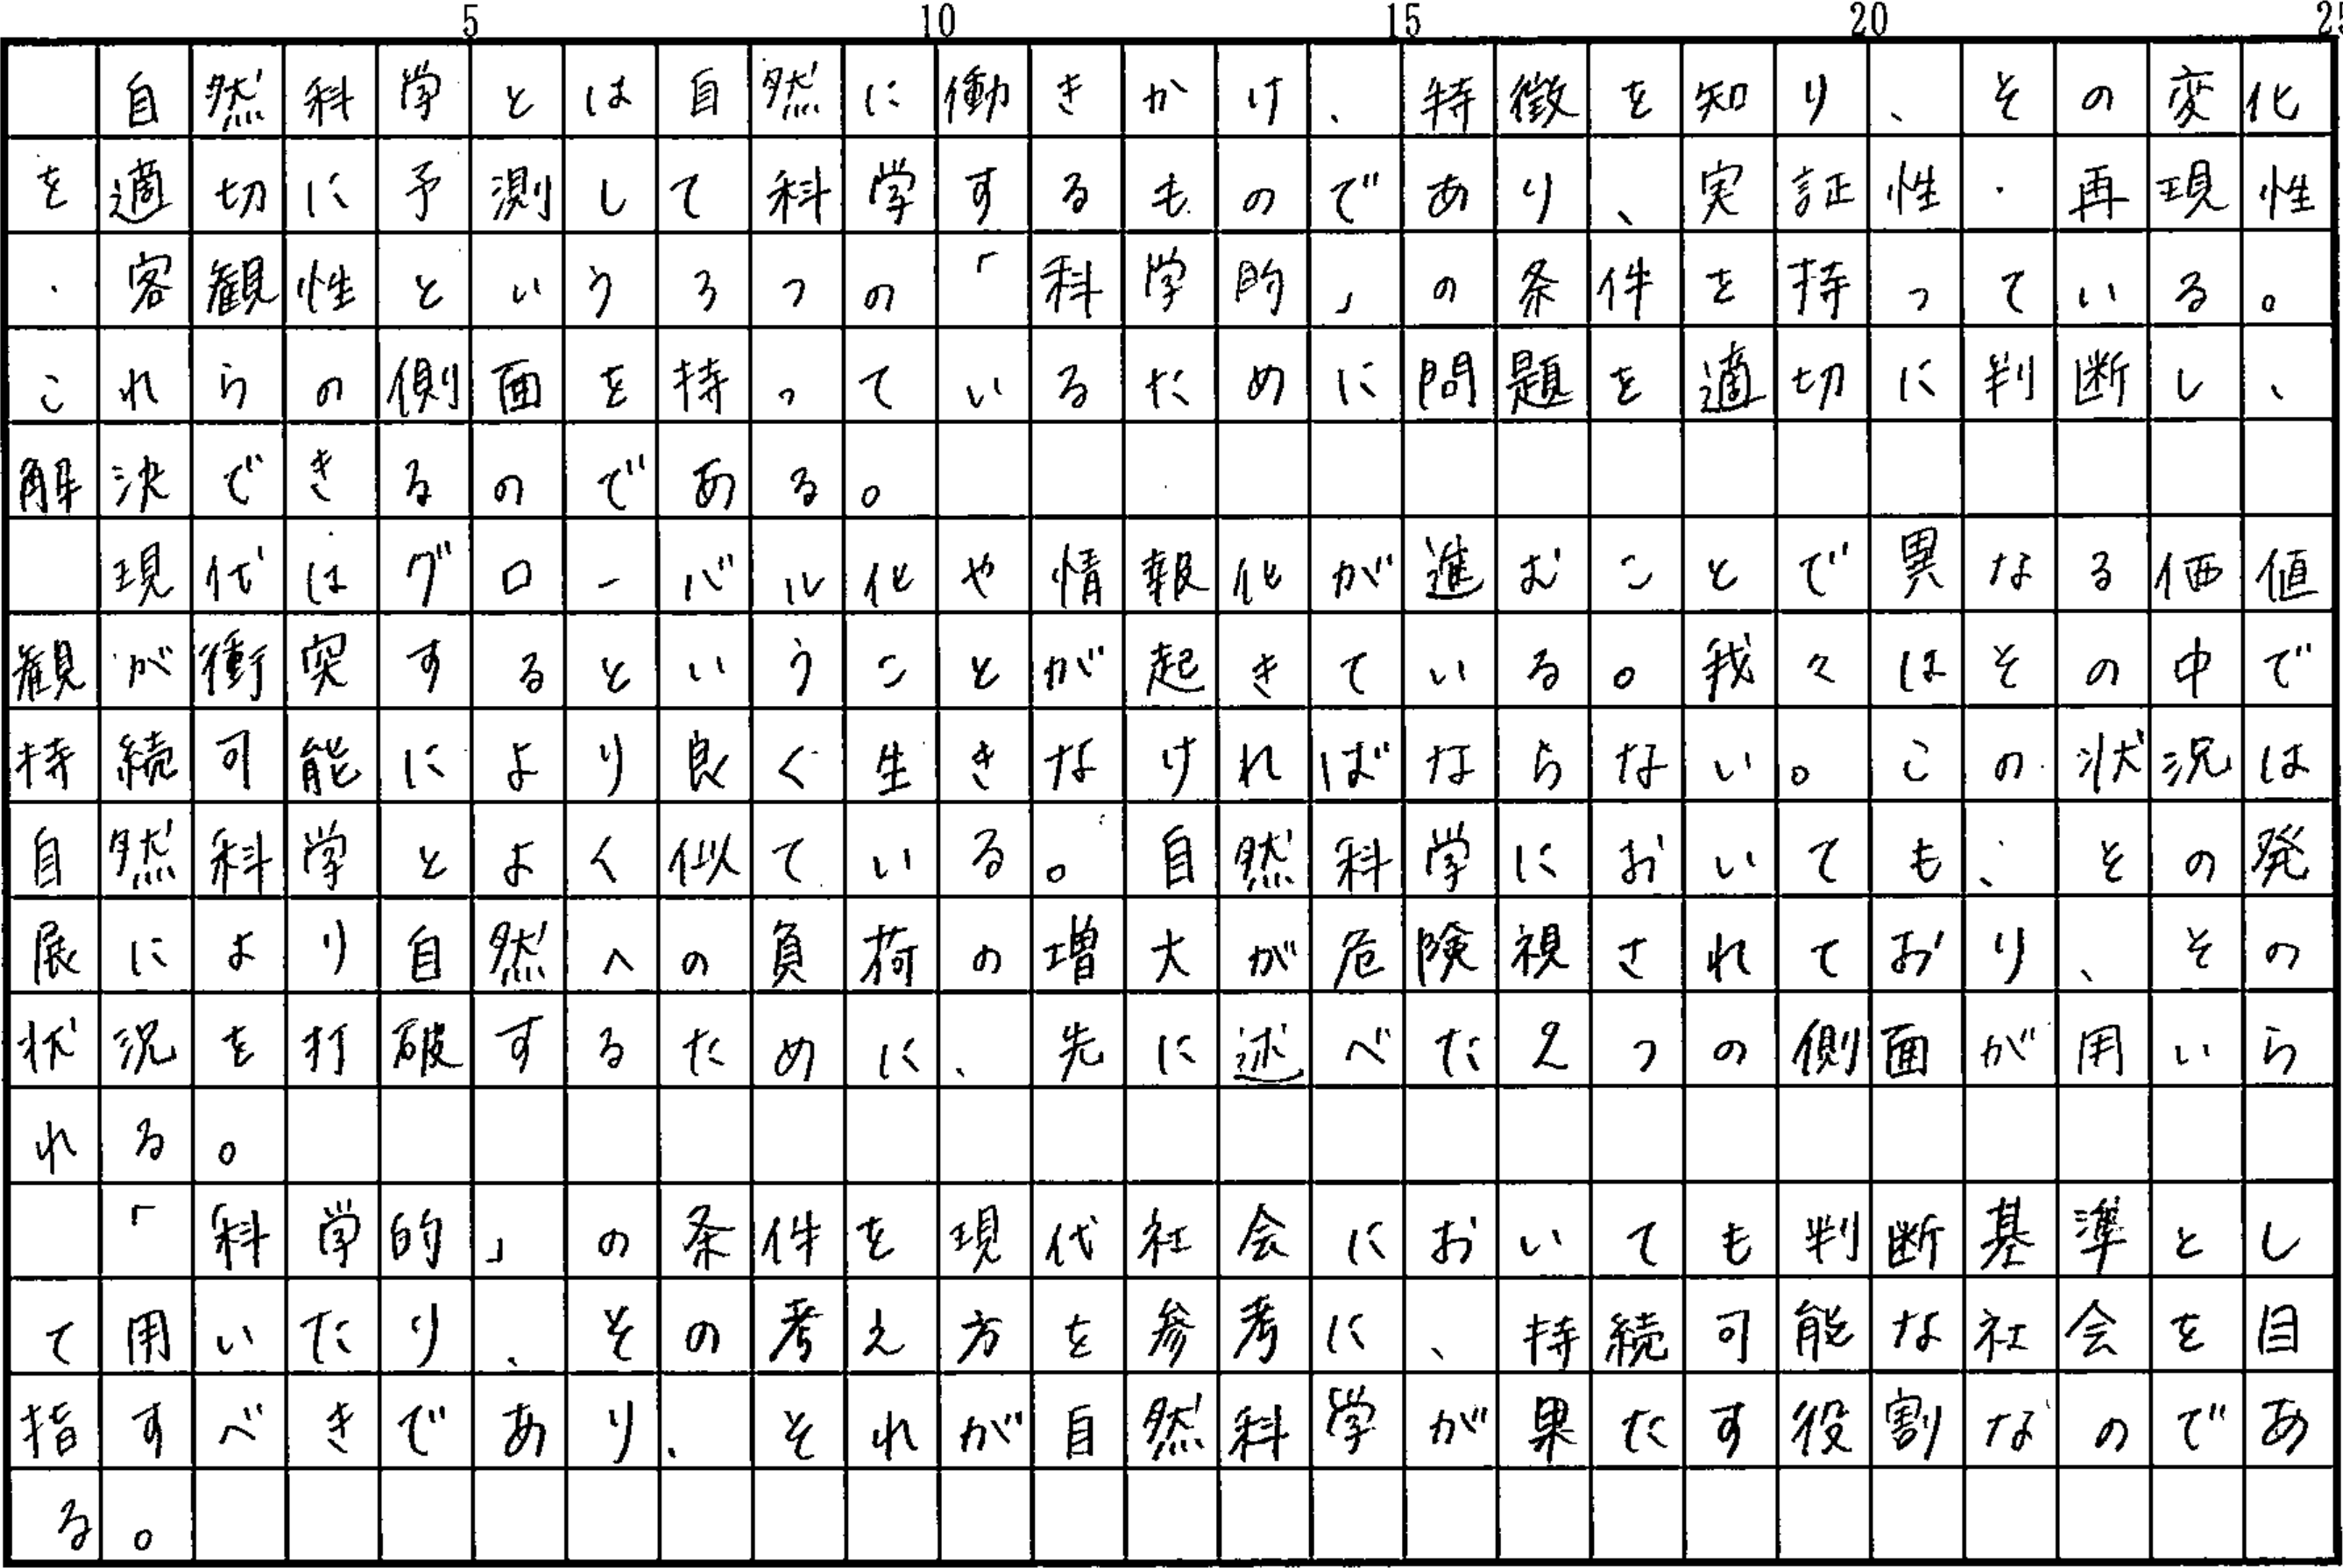　自然科学とは自然に働きかけ、▁徴を知り、その変化を適切に予測して科学するものであり、実証性・再現性・客観性という３つの「科学的」の条件を持っている。これらの側面を持っているために問題を適切に判断し、解決できるのである。
　現代はグローバル化や情報化が進むことで異なる価値観が衝突するということが起きている。我々はその中で持続可能により良く生きなければならない。この状況は自然科学とよく似ている。自然科学においても、その発展により自然への負荷の増大が危険視されており、その状況を打破するために、先に述べた２つの側面が用いられる。
　「科学的」の条件を現代社会においても判断基準として用いたり、その考え方を参考に、持続可能な社会を目指すべきであり、それが自然科学が果たす役割なのである。
